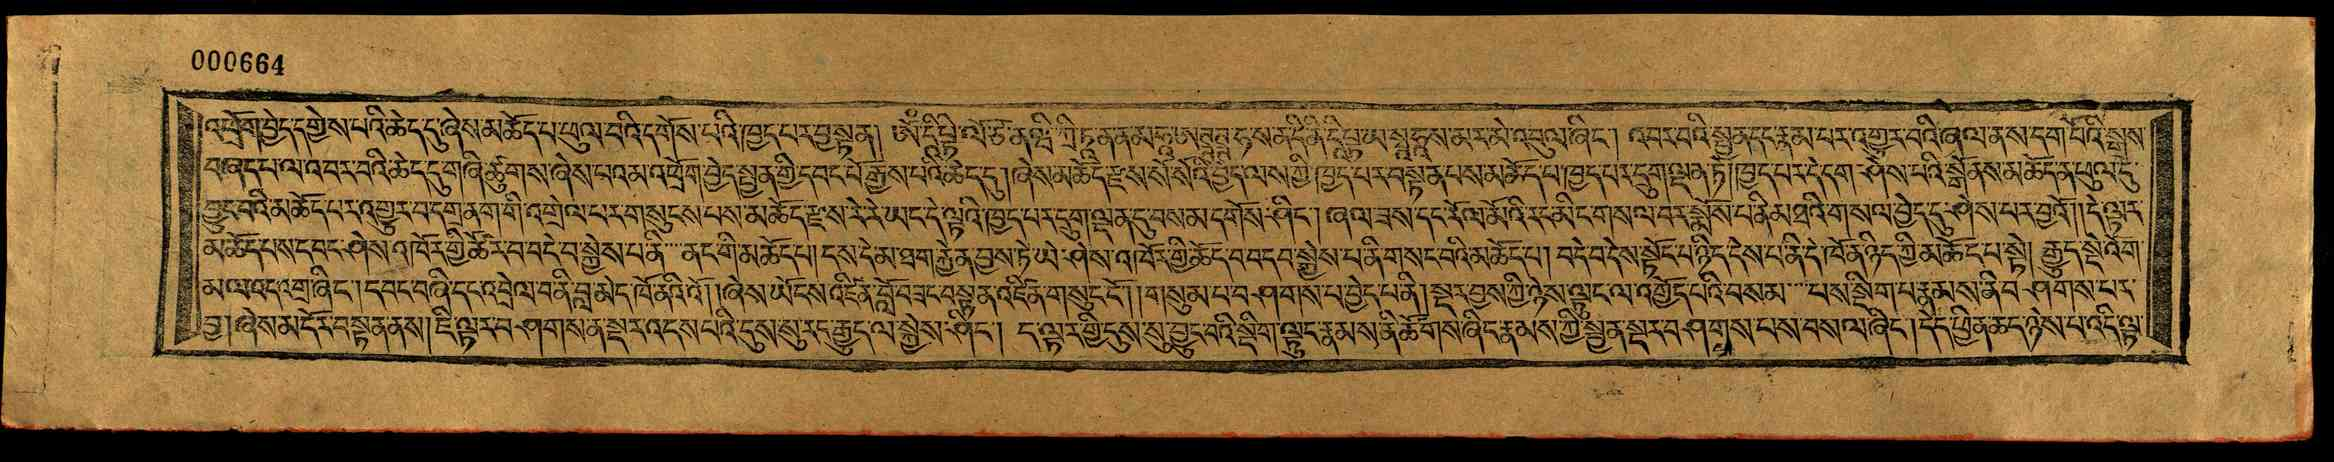འཕྲོག་བྱེད་དགྱེས་པའི་ཆེད་དུ་ཞེས་མཆོད་པ་ཕུལ་བའི་དགོས་པའི་ཁྱད་པར་བསྟན། ཨོཾ་དཱཔྟི་ལོ་ཙ་ན་ཝི་ཀྲི་ཏཱ་ན་ན་མཧཱ་ཨཊྚཊྚ་ཧ་ས་ན་དི་ནི་དཱིཔྟ་ཡ་སྭཱཧཱ་ས་མར་མེ་འབུལ་ཞིང་། འབར་བའི་སྤྱན་དང་རྣམ་པར་འགྱུར་བའི་ཞལ་ནས་དྲག་པོའི་སྒྲས་
བཞད་པ་ལ་འབར་བའི་ཆེད་དུ་གཞི་ཚུགས་ཞེས་པའམ་འཕྲོག་བྱེད་སྤྱན་གྱི་དབང་པོ་རྒྱས་པའི་ཆེད་དུ། ཞེས་མཆོད་རྫས་སོ་སོའི་བྱེད་ལས་ཀྱི་ཁྱད་པར་བསྟན་པས་མཆོད་པ་ཁྱད་པར་དྲུག་ལྡན་ཏེ། ཁྱད་པར་དེ་དག་ཤེས་པའི་སྒོ་ནས་མཆོད་ན་ཕུལ་དུ་
བྱུང་བའི་མཆོད་པར་འགྱུར་བ་དགྲ་ནག་གི་འགྲེལ་པར་གསུངས་པས་མཆོད་རྫས་རེ་རེ་ཡང་དེ་ལྟའི་ཁྱད་པར་དྲུག་ལྡན་དུ་བསམ་དགོས་ཤིང་། ཞལ་ཟས་དང་རོལ་མོའི་རང་མིང་གསལ་བར་སྨོས་པ་ནི་མཐའི་གསལ་བྱེད་དུ་ཤེས་པར་བྱའོ། །དེ་ལྟར་
མཆོད་པས་དབང་ཤེས་འཁོར་གྱི་ཚོར་བ་བདེ་བ་སྐྱེས་པ་ནི་ནང་གི་མཆོད་པ། དེས་དེ་མ་ཐག་རྐྱེན་བྱས་ཏེ་ཡེ་ཤེས་འཁོར་གྱི་ཚོར་པ་བདེ་བ་སྐྱེས་པ་ནི་གསང་བའི་མཆོད་པ། བདེ་བ་དེས་སྟོང་པ་ཉིད་ངེས་པ་ནི་དེ་ཁོ་ན་ཉིད་ཀྱི་མཆོད་པ་སྟེ། རྒྱུད་སྡེ་འོག་
མ་ལའང་འགྲོ་ཞིང་། དབང་བཞི་དང་འབྲེལ་བ་ནི་བླ་མེད་ཁོ་ནའི་འོ། །ཞེས་ཡོངས་འཛིན་བློ་བཟང་བསྟན་འཛིན་གསུང་ངོ། །གསུམ་པ་བཤགས་པ་བྱེད་པ་ནི། སྔར་བྱས་ཀྱི་ཉེས་ལྟུང་ལ་འགྱོད་པའི་བསམ་པས་སྡིག་པ་རྣམས་ནི་བཤགས་པར་
བྱ། ཞེས་མདོར་བསྟན་ནས། ཇི་ལྟར་བཤགས་ན་སྔར་འདས་པའི་དུས་སུ་རང་རྒྱུད་ལ་སྐྱེས་ཤིང་། ད་ལྟར་གྱི་དུས་སུ་བྱུང་བའི་སྡིག་ལྟུང་རྣམས་ནི་ཚོགས་ཞིང་རྣམས་ཀྱི་སྤྱན་སྔར་བཤགས་པས་བསལ་ཞིང་། དེང་ཕྱིན་ཆད་ཉེས་པ་འདི་ལྟ་